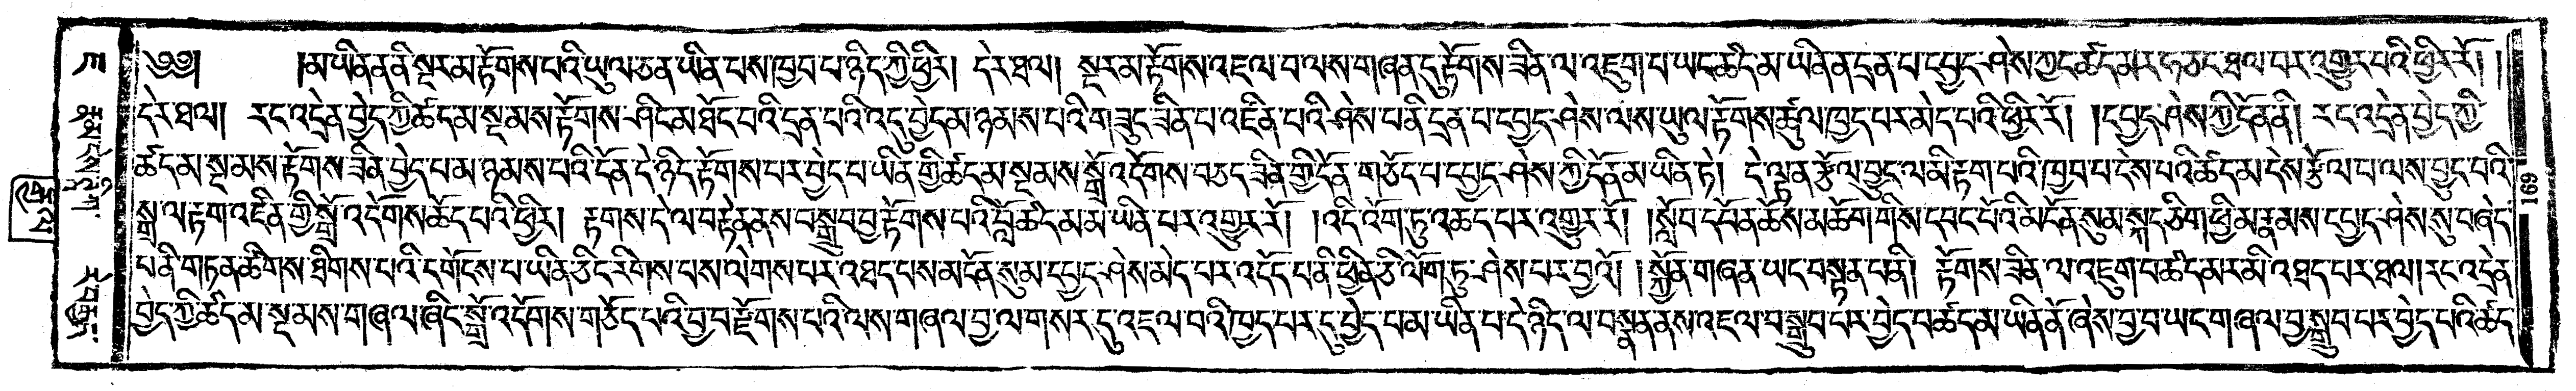༄༅། །མ་ཡིན་ན་ནི་སྔར་མ་རྟོགས་པའི་ཡུལ་ཅན་ཡིན་པས་ཁྱབ་པ་ཉིད་ཀྱི་ཕྱིར། དེར་ཐལ། སྔར་མ་རྟོགས་འཇལ་བ་ལས་གཞན་དུ་རྟོགས་ཟིན་ལ་འཇུག་པ་ཡང་ཚད་མ་ཡིན་ན་དྲན་པ་དཔྱད་ཤེས་ཀྱང་ཚད་མར་ཧ་ཅང་ཐལ་བར་འགྱུར་བའི་ཕྱིར་རོ། །
དེར་ཐལ། རང་འདྲེན་བྱེད་ཀྱི་ཚད་མ་སྔ་མས་རྟོགས་ཤིང་མཐོང་བའི་དྲན་པའི་འདུ་བྱེད་མ་ཉམས་པའི་གཟུང་ཟིན་པ་འཛིན་པའི་ཤེས་པ་ནི་དྲན་པ་དཔྱད་ཤེས་ལས་ཡུལ་རྟོགས་ཚུལ་ཁྱད་པར་མེད་པའི་ཕྱིར་རོ། །དཔྱད་ཤེས་ཀྱི་དོན་ནི། རང་འདྲེན་བྱེད་ཀྱི་
ཚད་མ་སྔ་མས་རྟོགས་ཟིན་བྱེད་པ་མ་ཉམས་པའི་དོན་དེ་ཉིད་རྟོགས་པར་བྱེད་པ་ཡིན་གྱི་ཚད་མ་སྔ་མས་སྒྲོ་འདོགས་བཅད་ཟིན་གྱི་དོན་གཅོད་པ་དཔྱད་ཤེས་ཀྱི་དོན་མ་ཡིན་ཏེ། དེ་ལྟ་ན་རྩོལ་བྱུང་ལ་མི་རྟག་པའི་ཁྱབ་པ་ངེས་པའི་ཚད་མ་དེས་རྩོལ་པ་ལས་བྱུང་བའི་
སྒྲ་ལ་རྟག་འཛིན་གྱི་སྒྲོ་འདོགས་ཆོད་པའི་ཕྱིར། རྟགས་དེ་ལ་བརྟེན་ནས་བསྒྲུབ་བྱ་རྟོགས་པའི་བློ་ཚད་མ་མ་ཡིན་པར་འགྱུར་རོ། །འདི་འོག་ཏུ་འཆད་པར་འགྱུར་རོ། །སློབ་དཔོན་ཆོས་མཆོག་གིས་དབང་པོའི་མངོན་སུམ་སྐད་ཅིག་ཕྱི་མ་རྣམས་དཔྱད་ཤེས་སུ་བཞེད་
པ་ནི་གཏན་ཚིགས་ཐིགས་པའི་དགོངས་པ་ཡིན་ཅིང་རིགས་པས་ལེགས་པར་འཐད་པས་མངོན་སུམ་དཔྱད་ཤེས་མེད་པར་འདོད་པ་ནི་ཕྱིན་ཅི་ལོག་ཏུ་ཤེས་པར་བྱའོ། །སྐྱོན་གཞན་ཡང་བསྟན་པ་ནི། རྟོགས་ཟིན་ལ་འཇུག་པ་ཚད་མར་མི་འཐད་པར་ཐལ། རང་འདྲེན་
བྱེད་ཀྱི་ཚད་མ་སྔ་མས་གཞལ་ཞིང་སྒྲོ་འདོགས་གཅོད་པའི་བྱ་བ་རྫོགས་པའི་ལས་གཞལ་བྱ་ལ་གསར་དུ་འཇལ་བའི་ཁྱད་པར་དུ་བྱེད་པ་མ་ཡིན་པ་དེ་ཉིད་ལ་བསྣན་ནས་འཇལ་བ་སྒྲུབ་པར་བྱེད་པ་ཚད་མ་ཡིན་ནོ་ཞེས་བྱ་བ་ཡང་གཞལ་བྱ་སྒྲུབ་པར་བྱེད་པའི་ཚད་